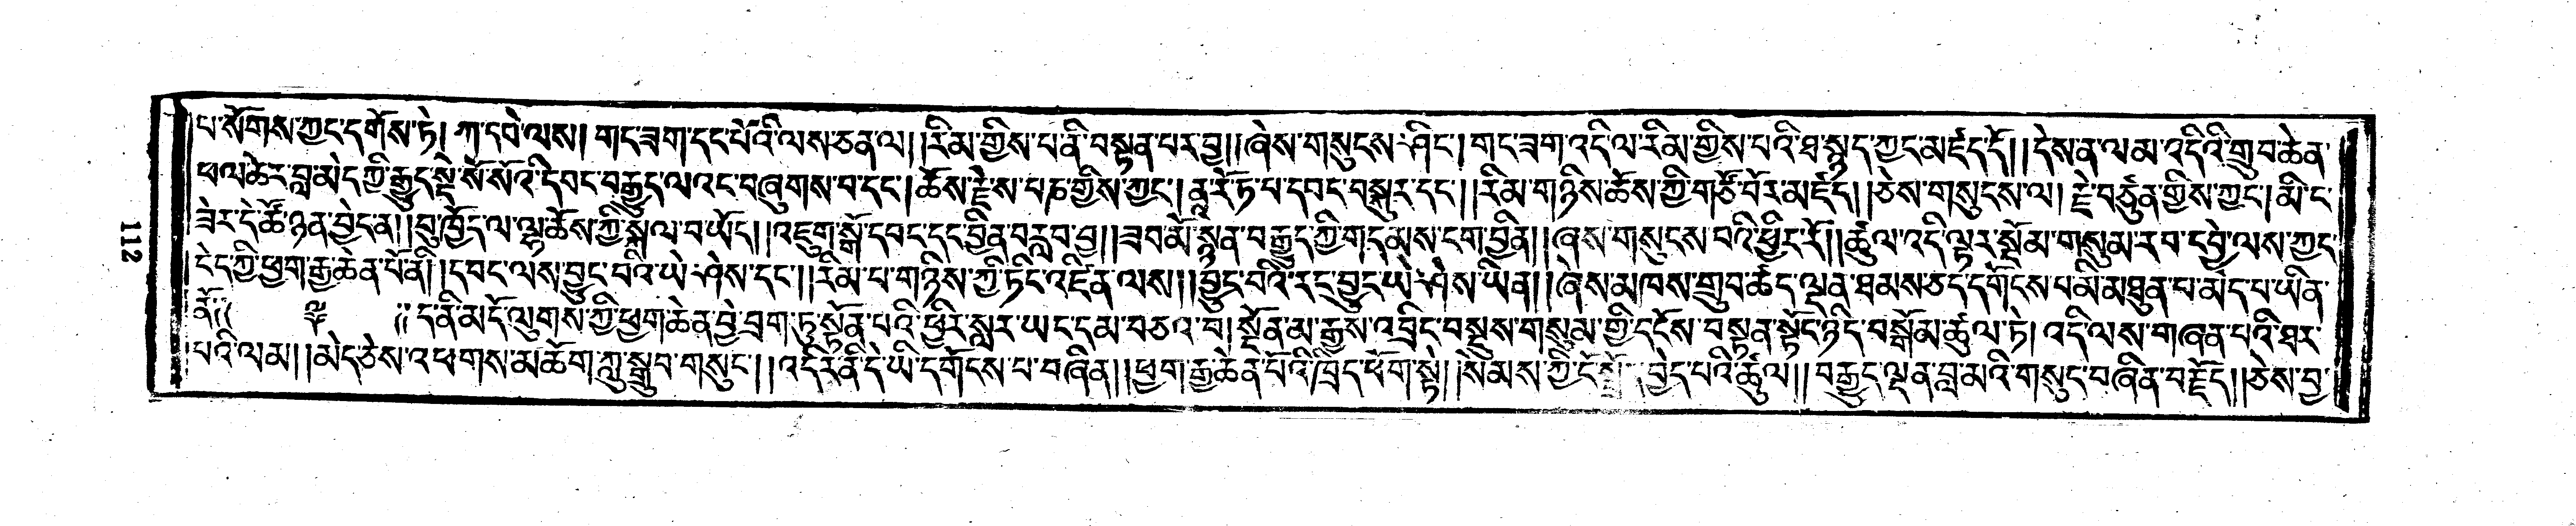པ་སོགས་ཀྱང་དགོས་ཏེ། ཀཱ་དཔེ་ལས། གང་ཟག་དང་པོའི་ལས་ཅན་ལ། །རིམ་གྱིས་པ་ནི་བསྟན་པར་བྱ། །ཞེས་གསུངས་ཤིང་། གང་ཟག་འདི་ལ་རིམ་གྱིས་པའི་ཐ་སྙད་ཀྱང་མཛད་དོ། །དེས་ན་ལམ་འདིའི་གྲུབ་ཆེན་
ཕལ་ཆེར་བླ་མེད་ཀྱི་རྒྱུད་སྡེ་སོ་སོའི་དབང་བརྒྱུད་ལའང་བཞུགས་པ་དང་། ཆོས་རྗེ་ས་པཎ་གྱིས་ཀྱང་། ནཱ་རོ་ཏ་པ་དབང་བསྐུར་དང་། །རིམ་གཉིས་ཆོས་ཀྱི་གཙོ་བོར་མཛད། །ཅེས་གསུངས་ལ། རྗེ་བཙུན་གྱིས་ཀྱང་། མིང་
ཟེར་དེ་ཚོ་ཉན་བྱེད་ན། །བུ་ཁྱོད་ལ་ལྷ་ཆོས་ཀྱི་སྐལ་པ་ཡོད། །འཇུག་སྒོ་དབང་དང་བྱིན་བརླབ་བྱ། །ཟབ་མོ་སྙན་བརྒྱུད་ཀྱི་གདམས་ངག་བྱིན། །ཞེས་གསུངས་པའི་ཕྱིར་རོ། །ཚུལ་འདི་ལྟར་སྡོམ་གསུམ་རབ་དབྱེ་ལས་ཀྱང་
ངེད་ཀྱི་ཕྱག་རྒྱ་ཆེན་པོ་ནི། །དབང་ལས་བྱུང་བའི་ཡེ་ཤེས་དང་། །རིམ་པ་གཉིས་ཀྱི་ཏིང་འཛིན་ལས། །བྱུང་བའི་རང་བྱུང་ཡེ་ཤེས་ཡིན། །ཞེས་མཁས་གྲུབ་ཚད་ལྡན་ཐམས་ཅད་དགོངས་པ་མི་མཐུན་པ་མེད་པ་ཡིན་
ནོ།། ༈ །།ད་ནི་མདོ་ལུགས་ཀྱི་ཕྱག་ཆེན་བྱེ་བྲག་ཏུ་སྟོན་པའི་ཕྱིར་སླར་ཡང་དམ་བཅའ་བ། སྔོན་མ་རྒྱས་འབྲིང་བསྡུས་གསུམ་གྱི་དངོས་བསྟན་སྟོང་ཉིད་བསྒོམ་ཚུལ་ཏེ། འདི་ལས་གཞན་པའི་ཐར་
པའི་ལམ། །མེད་ཅེས་འཕགས་མཆོག་ཀླུ་སྒྲུབ་གསུང་། །འདིར་ནི་དེ་ཡི་དགོངས་པ་བཞིན། །ཕྱག་རྒྱ་ཆེན་པོའི་ཁྲིད་ཕོག་སྟེ། །སེམས་ཀྱི་ངོ་སྤྲོད་བྱེད་པའི་ཚུལ། །བརྒྱུད་ལྡན་བླ་མའི་གསུང་བཞིན་བརྗོད། །ཅེས་བྱ་